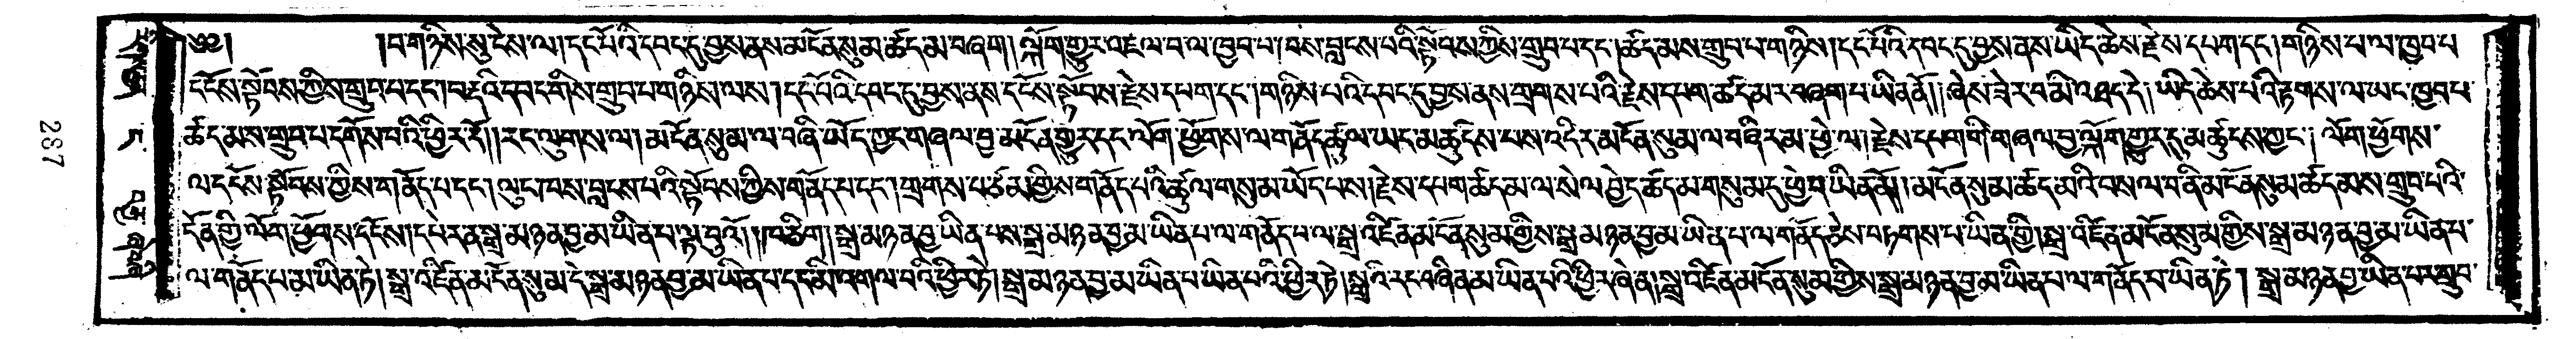༄༅། །བ་གཉིས་སུ་ངེས་ལ། དང་པོའི་དབང་དུ་བྱས་ནས་མངོན་སུམ་ཚད་མ་བཞག །ལྐོག་གྱུར་འཇལ་བ་ལ་ཁྱབ་པ་ཁས་བླངས་པའི་སྟོབས་ཀྱིས་གྲུབ་པ་དང་། ཚད་མས་གྲུབ་པ་གཉིས། དང་པོའི་དབང་དུ་བྱས་ནས་ཡིད་ཆེས་རྗེས་དཔག་དང་། གཉིས་པ་ལ་ཁྱབ་པ་
དངོས་སྟོབས་ཀྱིས་གྲུབ་པ་དང་། བརྡའི་དབང་གིས་གྲུབ་པ་གཉིས་ལས། དང་པོའི་དབང་དུ་བྱས་ནས་དངོས་སྟོབས་རྗེས་དཔག་དང་། གཉིས་པའི་དབང་དུ་བྱས་ནས་གྲགས་པའི་རྗེས་དཔག་ཚད་མར་བཞག་པ་ཡིན་ནོ། །ཞེས་ཟེར་བ་མི་འཐད་དེ། ཡིད་ཆེས་པའི་རྟགས་ལ་ཡང་ཁྱབ་པ་
ཚད་མས་གྲུབ་པ་དགོས་པའི་ཕྱིར་རོ། །རང་ལུགས་ལ། མངོན་སུམ་ལ་བཞི་ཡོད་ཀྱང་གཞལ་བྱ་མངོན་གྱུར་དང་ལོག་ཕྱོགས་ལ་གནོད་ཚུལ་ཡང་མཚུངས་པས་འདིར་མངོན་སུམ་ལ་བཞིར་མ་ཕྱེ་ལ། རྗེས་དཔག་གི་གཞལ་བྱ་ལྐོག་གྱུར་དུ་མཚུངས་ཀྱང་། ལོག་ཕྱོགས་
ལ་དངོས་སྟོབས་ཀྱིས་གནོད་པ་དང་། ལུང་ཁས་བླངས་པའི་སྟོབས་ཀྱིས་གནོད་པ་དང་། གྲགས་པ་ཙམ་གྱིས་གནོད་པའི་ཚུལ་གསུམ་ཡོད་པས། རྗེས་དཔག་ཚད་མ་ལ་སེལ་བྱེད་ཚད་མ་གསུམ་དུ་ཕྱེ་བ་ཡིན་ནོ། །མངོན་སུམ་ཚད་མའི་བསལ་བ་ནི་མངོན་སུམ་ཚད་མས་གྲུབ་པའི་
དོན་གྱི་ལོག་ཕྱོགས་དངོས། དཔེར་ན་སྒྲ་མཉན་བྱ་མ་ཡིན་པ་ལྟ་བུའོ། །ཁ་ཅིག །སྒྲ་མཉན་བྱ་ཡིན་པས་སྒྲ་མཉན་བྱ་མ་ཡིན་པ་ལ་གནོད་པ་ལ་སྒྲ་འཛིན་མངོན་སུམ་གྱིས་སྒྲ་མཉན་བྱ་མ་ཡིན་པ་ལ་གནོད་ཅེས་བཏགས་པ་ཡིན་གྱི། སྒྲ་འཛིན་མངོན་སུམ་གྱིས་སྒྲ་མཉན་བྱ་མ་ཡིན་པ་
ལ་གནོད་པ་མ་ཡིན་ཏེ། སྒྲ་འཛིན་མངོན་སུམ་དེ་སྒྲ་མཉན་བྱ་མ་ཡིན་པ་དང་མི་འགལ་བའི་ཕྱིར་ཏེ། སྒྲ་མཉན་བྱ་མ་ཡིན་པ་ཡིན་པའི་ཕྱིར་ཏེ། སྒྲའི་རང་བཞིན་མ་ཡིན་པའི་ཕྱིར་ཞེ་ན། སྒྲ་འཛིན་མངོན་སུམ་གྱིས་སྒྲ་མཉན་བྱ་མ་ཡིན་པ་ལ་གནོད་པ་ཡིན་ཏེ། སྒྲ་མཉན་བྱ་ཡིན་པར་གྲུབ་